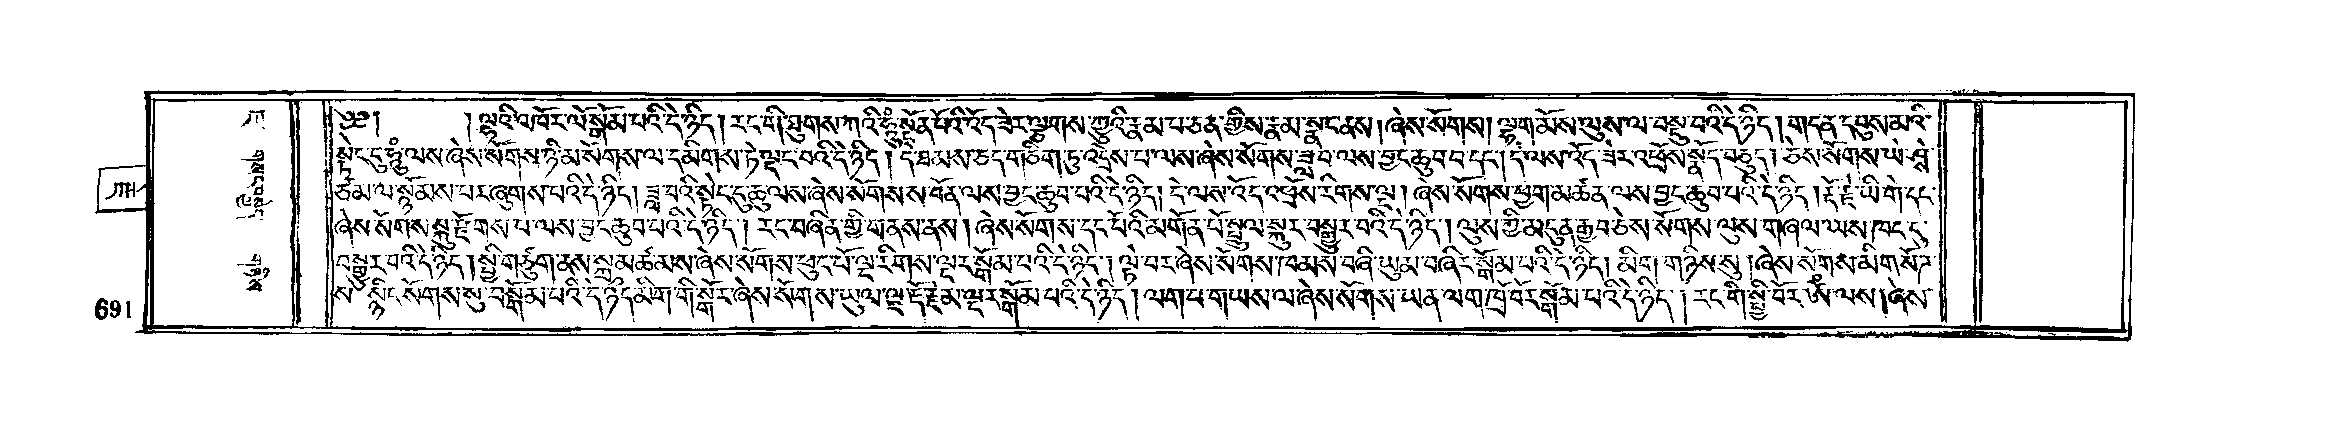༄༅། །ལྷའི་འཁོར་ལོ་སྒོམ་པའི་དེ་ཉིད། རང་གི་ཐུགས་ཀའི་ཧཱུཾ་སྔོན་པོའི་འོད་ཟེར་ལྕགས་ཀྱུའི་རྣམ་པ་ཅན་གྱིས་རྣམ་སྣང་ནས། ཞེས་སོགས། ལྷག་མོས་ལུས་ལ་བསྡུ་བའི་དེ་ཉིད། གདན་དབུས་མའི་
སྟེང་དུ་ཧཱུཾ་ལས་ཞེས་སོགས་ཉི་མ་སོགས་ལ་དམིགས་ཏེ་ལྡང་བའི་དེ་ཉིད། དེ་ཐམས་ཅད་གཅིག་ཏུ་འདྲེས་པ་ལས་ཞེས་སོགས་ཟླ་བ་ལས་བྱང་ཆུབ་བ་དང་། དེ་ལས་འོད་ཟེར་འཕྲོས་སྣོད་བཅུད། ཅེས་སོགས་ཡེ་ཤེས་
ཙམ་ལ་སྙོམས་པར་ཞུགས་པའི་དེ་ཉིད། ཟླ་བའི་སྟེང་དུ་ཆུ་ལས་ཞེས་སོགས་ས་བོན་ལས་བྱང་ཆུབ་པའི་དེ་ཉིད། དེ་ལས་འོད་འཕྲོས་རིགས་ལྔ། ཞེས་སོགས་ཕྱག་མཚན་ལས་བྱང་ཆུབ་པའི་དེ་ཉིད། རྡོ་རྗེ་ཡི་གེ་དང་
ཞེས་སོགས་སྐུ་རྫོགས་པ་ལས་བྱང་ཆུབ་པའི་དེ་ཉིད། རང་བཞིན་གྱི་གནས་ནས། ཞེས་སོགས་དང་པོའི་མགོན་པོ་སྤྲུལ་སྐུར་བསྒྱུར་བའི་དེ་ཉིད། ལུས་ཀྱི་མདུན་རྒྱབ་ཅེས་སོགས་ལུས་གཞལ་ཡས་ཁང་དུ་
བསྒྱུར་བའི་དེ་ཉིད། སྤྱི་གཙུག་ནས་སྐྲ་མཚམས་ཞེས་སོགས་ཕུང་པོ་ལྔ་རིགས་ལྔར་སྒོམ་པའི་དེ་ཉིད། ལྟེ་བར་ཞེས་སོགས་ཁམས་བཞི་ཡུམ་བཞིར་སྒོམ་པའི་དེ་ཉིད། མིག་གཉིས་སུ། ཞེས་སོགས་མིག་སོགས་
ས་སྙིང་སོགས་སུ་བསྒོམ་པའི་དེ་ཉིད་མིག་གི་སྒོར་ཞེས་སོགས་ཡུལ་ལྔ་རྡོ་རྗེ་མ་ལྔར་སྒོམ་པའི་དེ་ཉིད། ལག་པ་གཡས་ལ་ཞེས་སོགས་ཡན་ལག་ཁྲོ་བོར་སྒོམ་པའི་དེ་ཉིད། རང་གི་སྤྱི་བོར་ཨོཾ་ལས། ཞེས་